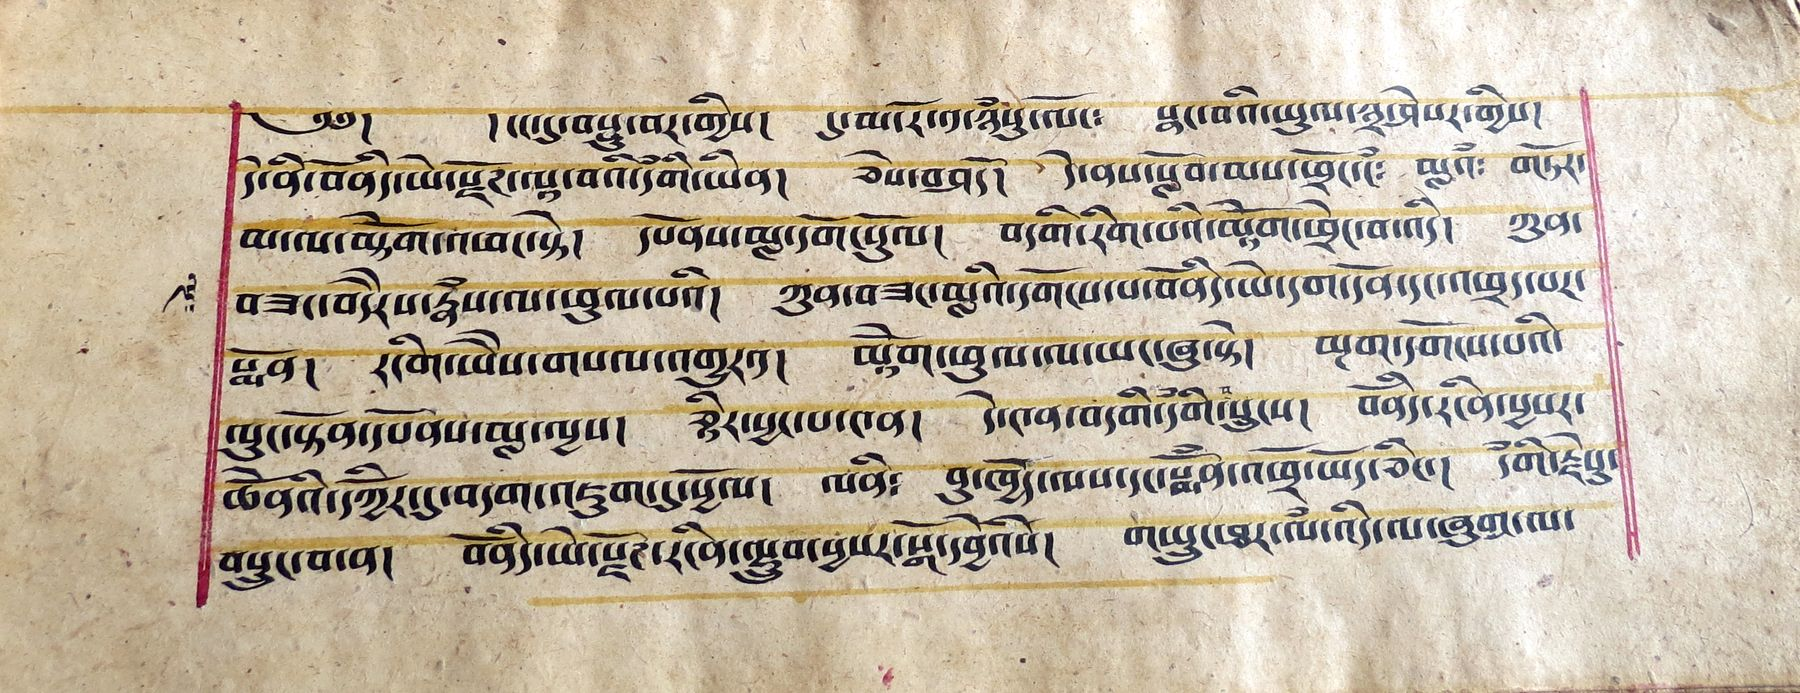ངང་དུ་བསྡུད་བར་གྱིས། ། དུ་མ་རོ་གཅིག་ཉམས་སུ་ལོངས། ། ཐིག་ལེ་ཉག་གཅིག་ངང་ངུ་ཞོག ། སྣང་བའི་ཡུལ་གསུམ་ཤེས་པར་གྱིས། ། 
དེ་ནི་ཡེ་རྫོགས་བོན་ཉིད་ལྟ་བའི་དམ་ཚིག་ཡིན། ། ཅེས་བཤད་དོ། ། དེ་ནས་སློབ་མས་ཕོ་བྲང་ངམ་བླ་མའམ་གཏོར་
མ་ལ་མེ་ཏོག་འཕང་སྟེ། དཔོན་གསས་བླ་མ་དགོངས་སུ་གསོལ། ། བདག་གི་རིག་པའི་མེ་ཏོག་འཕྲེང་བ་འདི། ། ཀུན་
བཟང་བདེ་གཤེགས་རྣམ་ལ་ཕུལ་བ་ཡིས། ། ཀུན་བཟང་བདེ་གཤེགས་བླ་མའི་དགོངས་པ་དང་། ། བོན་ཉིད་ཡེ་དག་དོན་དང་འཕྲད་པར་
སྨོན། ། རང་རིག་ཡེ་ཤེས་གསལ་འགྱུར་ཅིག། ། ཅེས་མེ་ཏོག་འབུལ་ལོ། ། ཡང་ཞུ་བ། མན་ངག་དགོངས་པའི་
ལུང་སྟོན་པའི། ། དཔོན་གསས་བླ་མས་ཇི་ལྟར་བསྲུངས་པ་བཞིན། ། དེ་བཞིན་དམ་ཚིག་བདག་གིས་བསྲུང་། ། བོན་ཉིད་རང་བཞིན་གསས་མཁར་
ཆེན་པོ་ཡི། ། དཀྱིལ་འཁོར་བདག་ལ་འཇུག་ཏུ་གསོལ། ། ལན་ནི། བུ་ཁྱོད་ལས་དང་སྨོན་ལམ་འཕྲོ་ཡོད་ཅིང་། ། དམ་ཚིག་རྗེས་སུ་
བསྲུང་བ་ན། ། བོན་ཉིད་ཡེ་རྫོགས་རང་བཞིན་ལ། ། ལྷུན་གྲུབ་གསས་མཁར་སྒོ་དབྱེ་བས། ། གཡུང་དྲུང་ཐར་ལམ་འདི་ལ་ཞུགས་ལ་